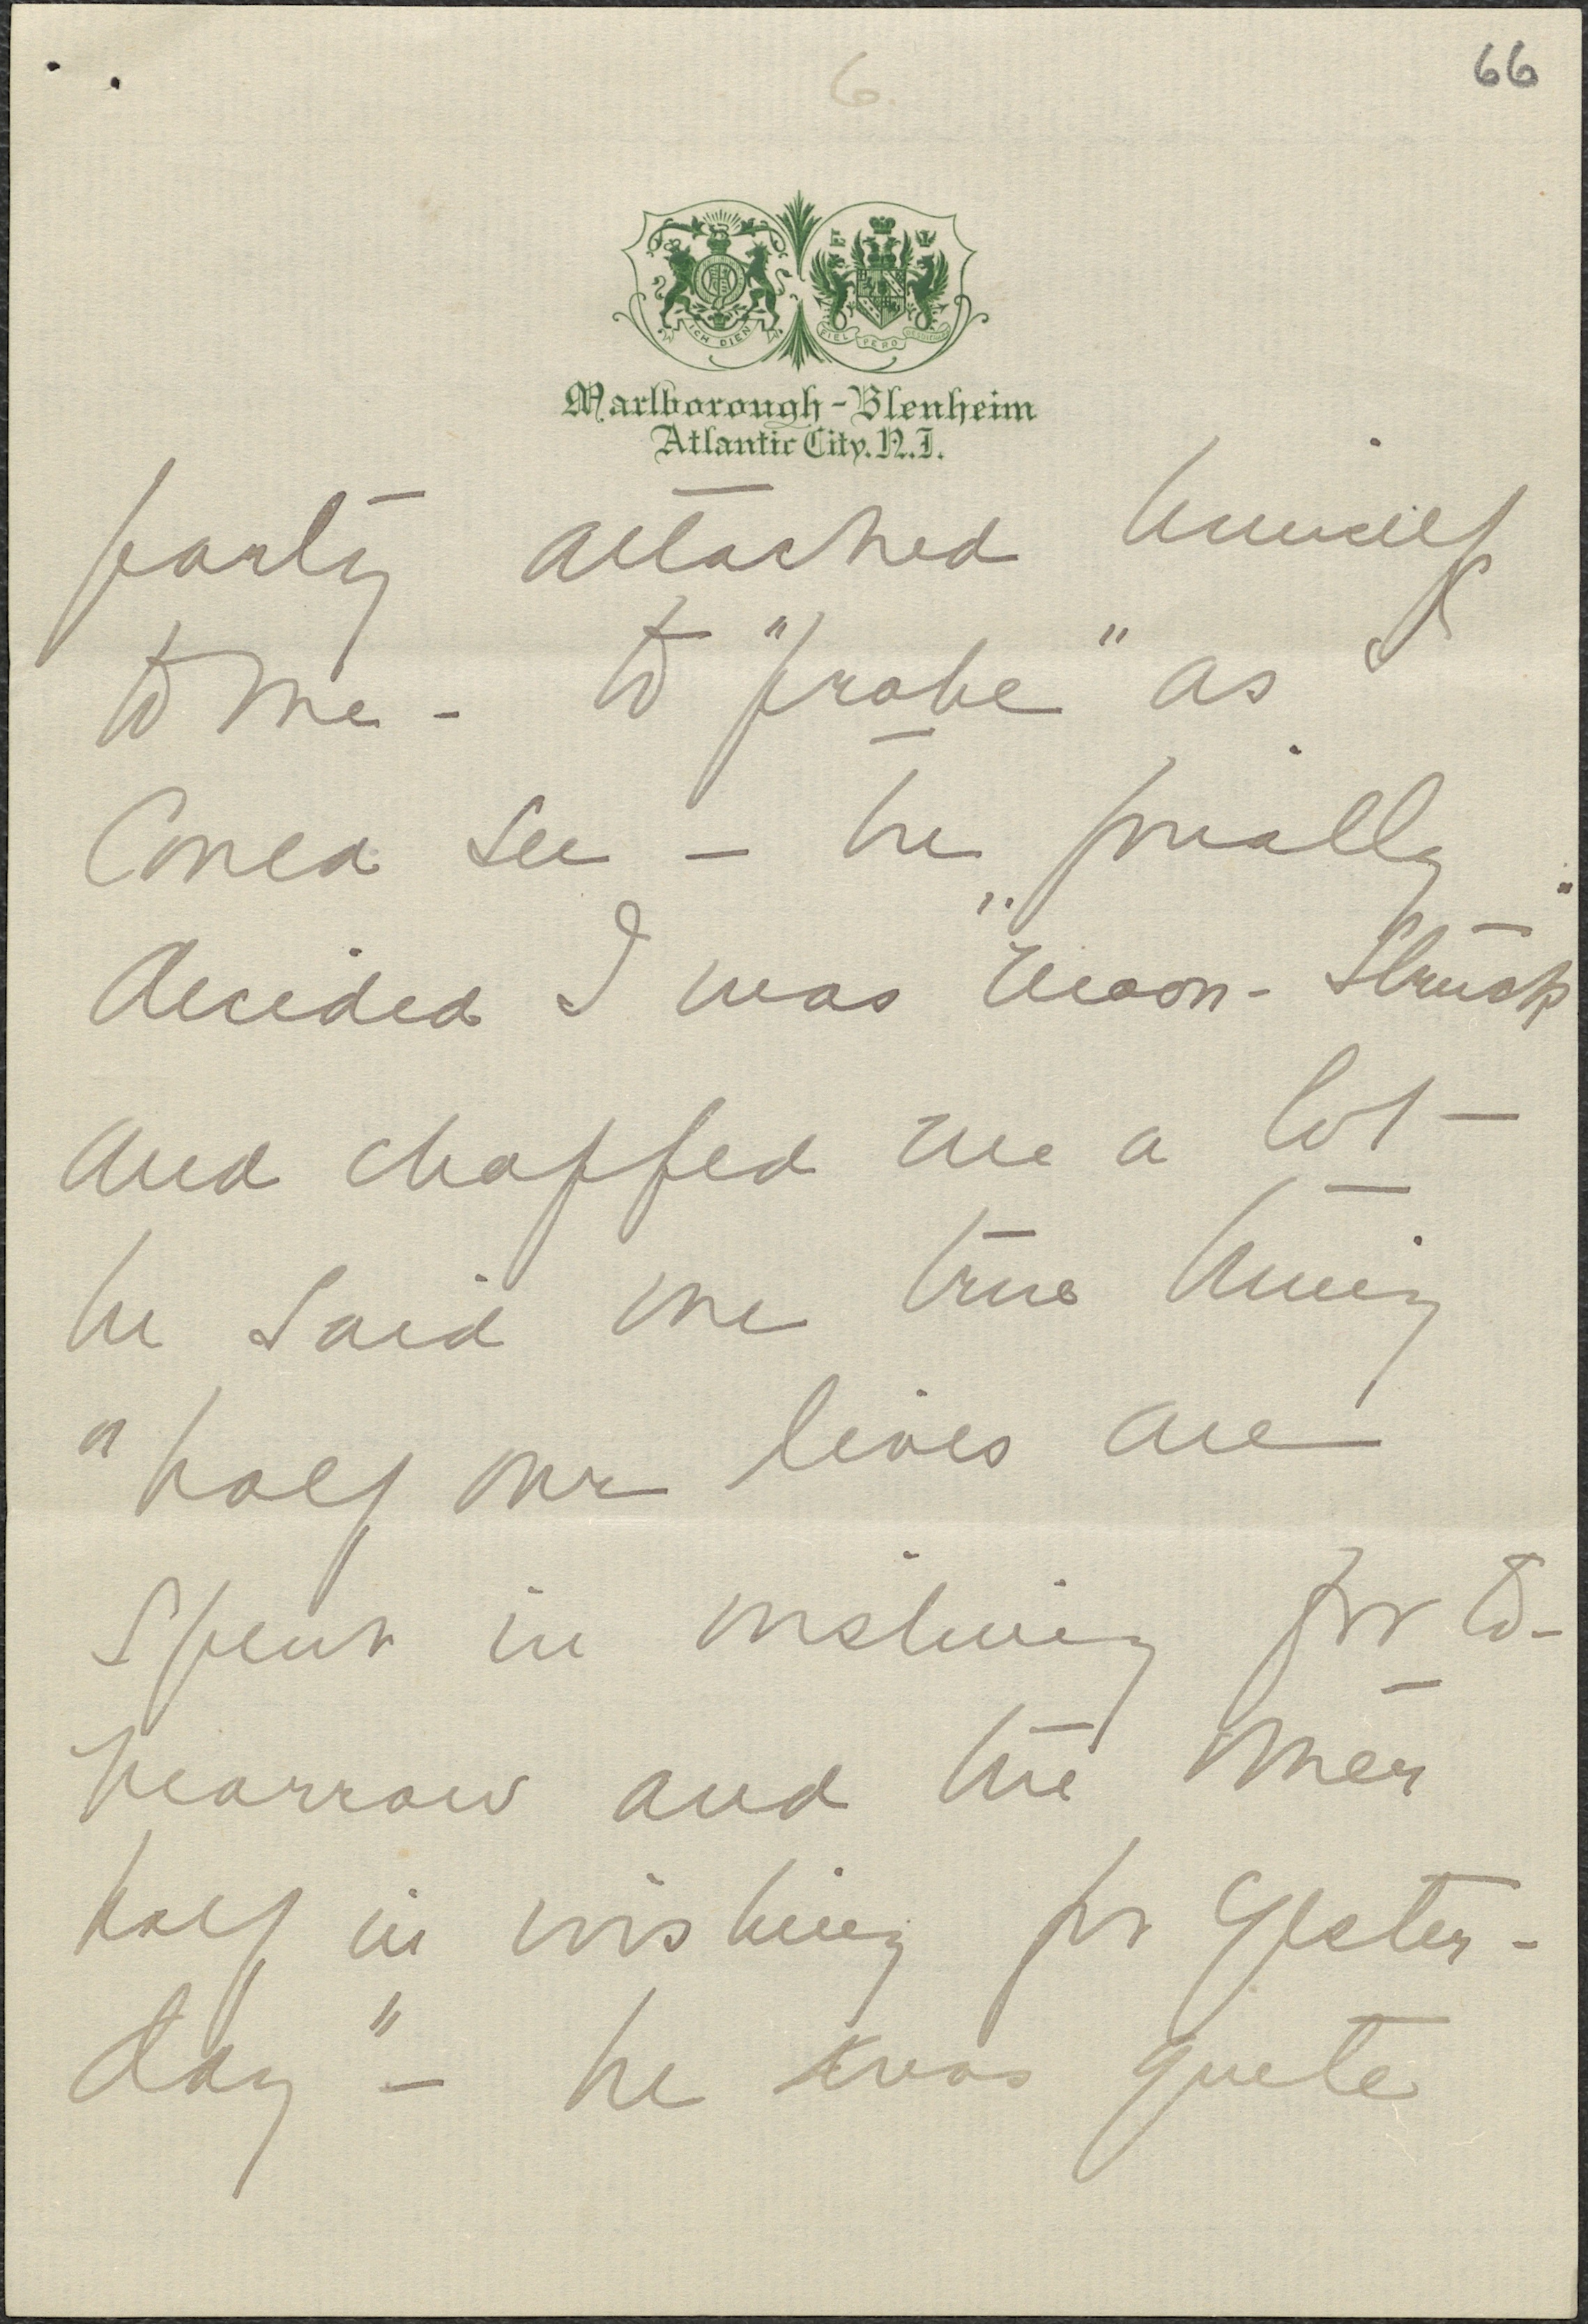6
party attached himself to me – to “probe” as I could see – he finally decided I was “moon-struck” and chaffed me a lot – he said one true thing “half our lives are spent in wishing for tomorrow and the other half in wishing for yesterday” – he was quite